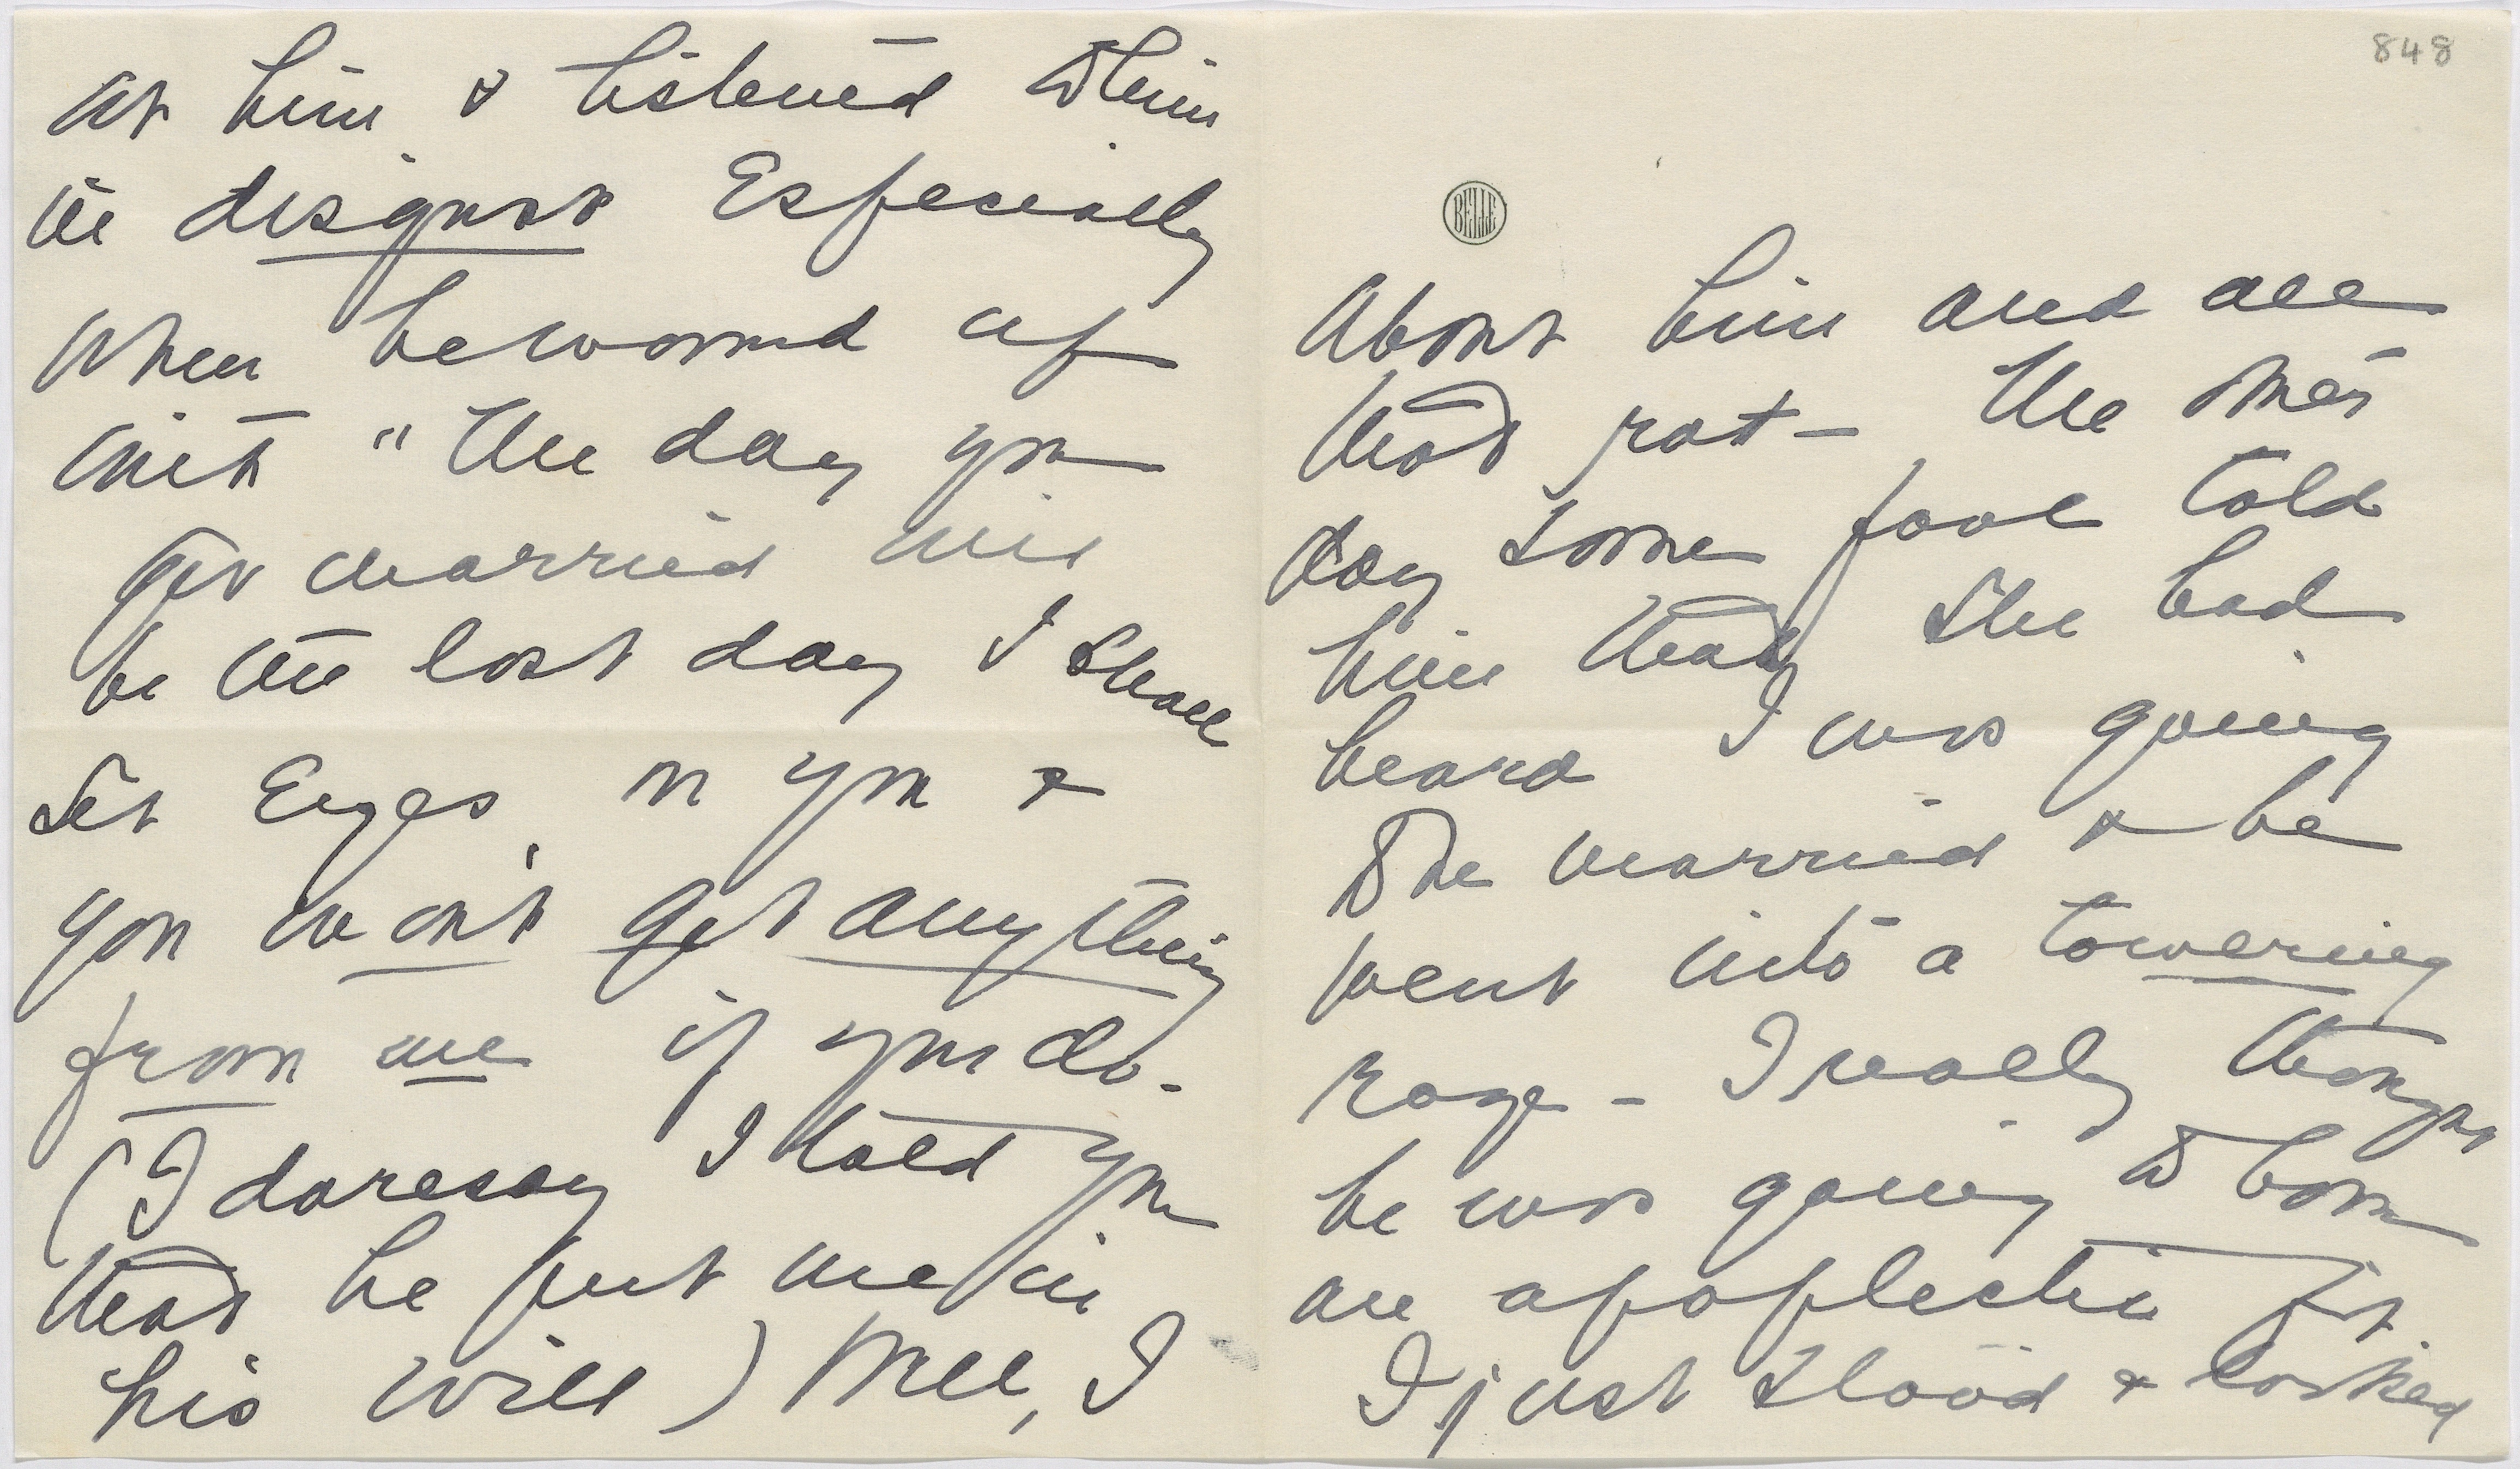about him and all that rot – The other day some fool told him that she had heard I was going to be married & he went into a towering rage – I really thought he was going to have an apoplectic fit.
I just stood & looked
at him & listened to him in disgust especially when he wound up with “The day you get married will be the last day I shall set eyes on you & you won’t get anything from me if you do – (I daresay I told you that he put me in his will) Well, I